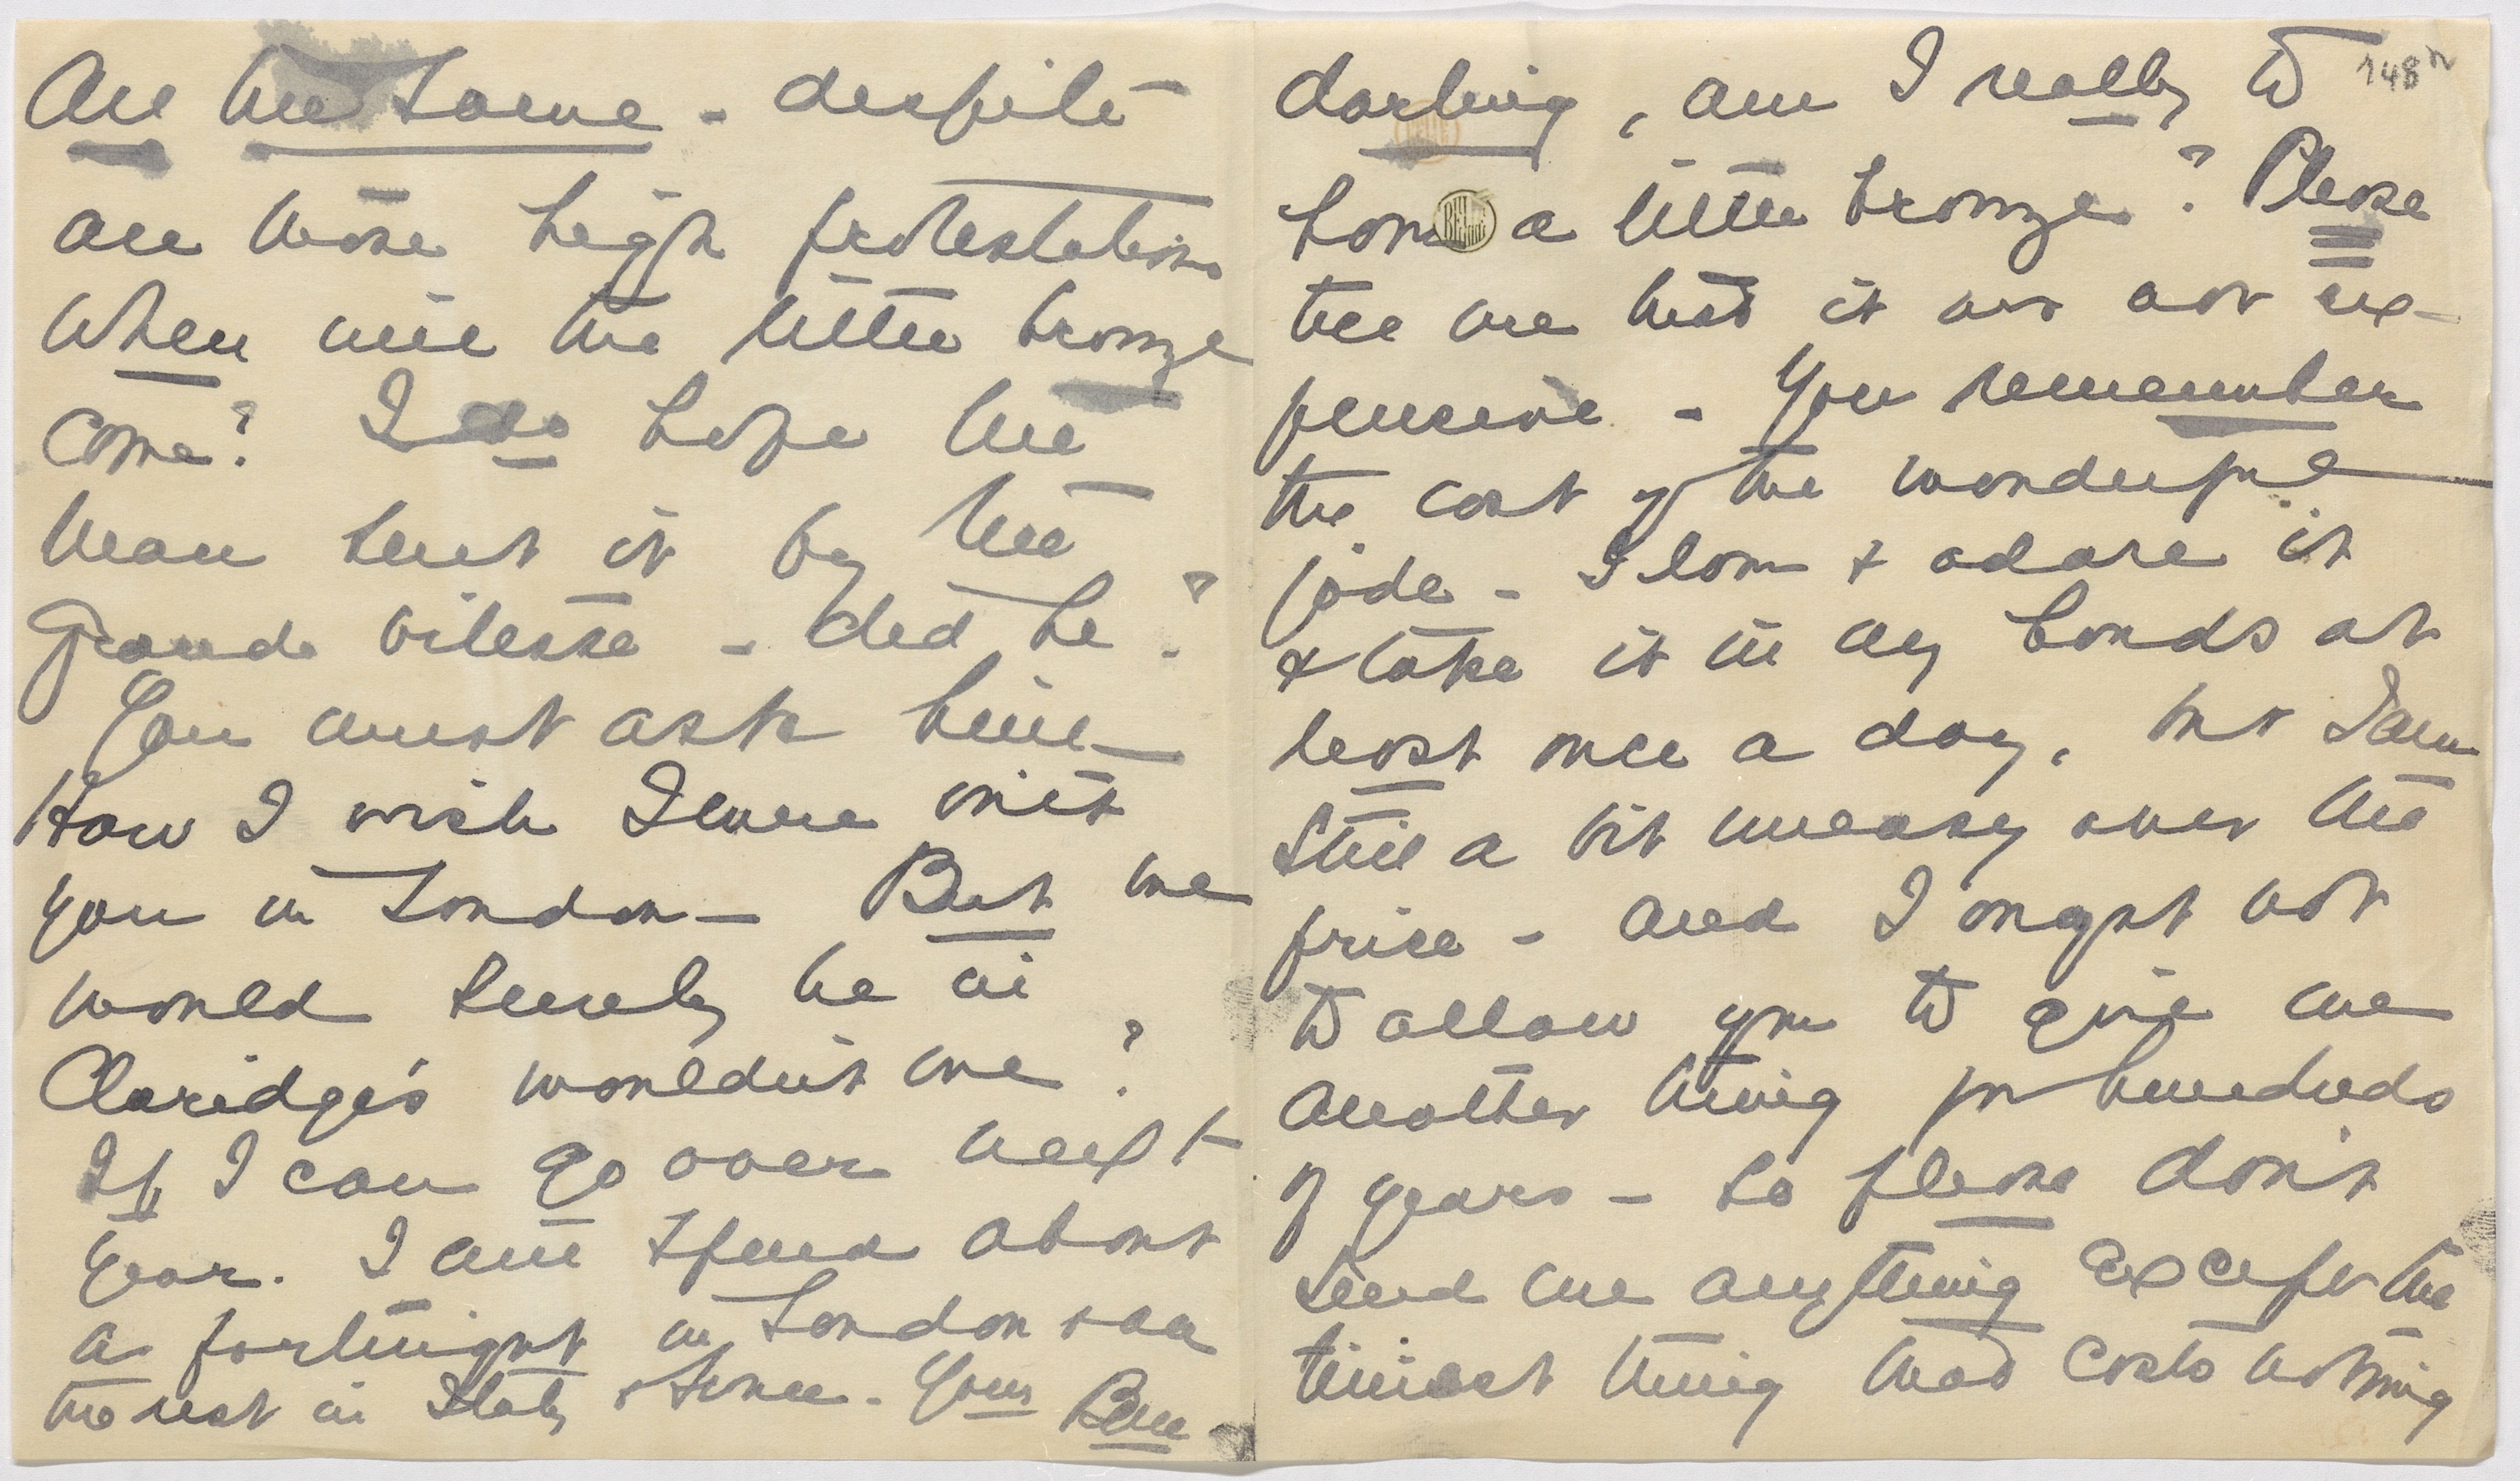darling, am I really to have a little bronze? [triple underlined: Please] tell me that it is not expensive – Your remember the cost of the wonderful jade – I love & adore it & take it in my hands at [double underlined: least] once a day, but I am still a but uneasy about the price – and I ought not to allow you to give me another thing for hundreds of years – So please don’t send me anything except the tiniest thing that costs nothing
All the Same – despite all these high protestations when will the little bronze come? I so hope the man sent it by the grand vitesse – did he?
You must ask him – How I wish I were with you in London – But we would surely be in Claridge’s wouldn’t we?
If I can go over next year, I will spend about a fortnight in London & all the rest in Italy & France.
Your Belle